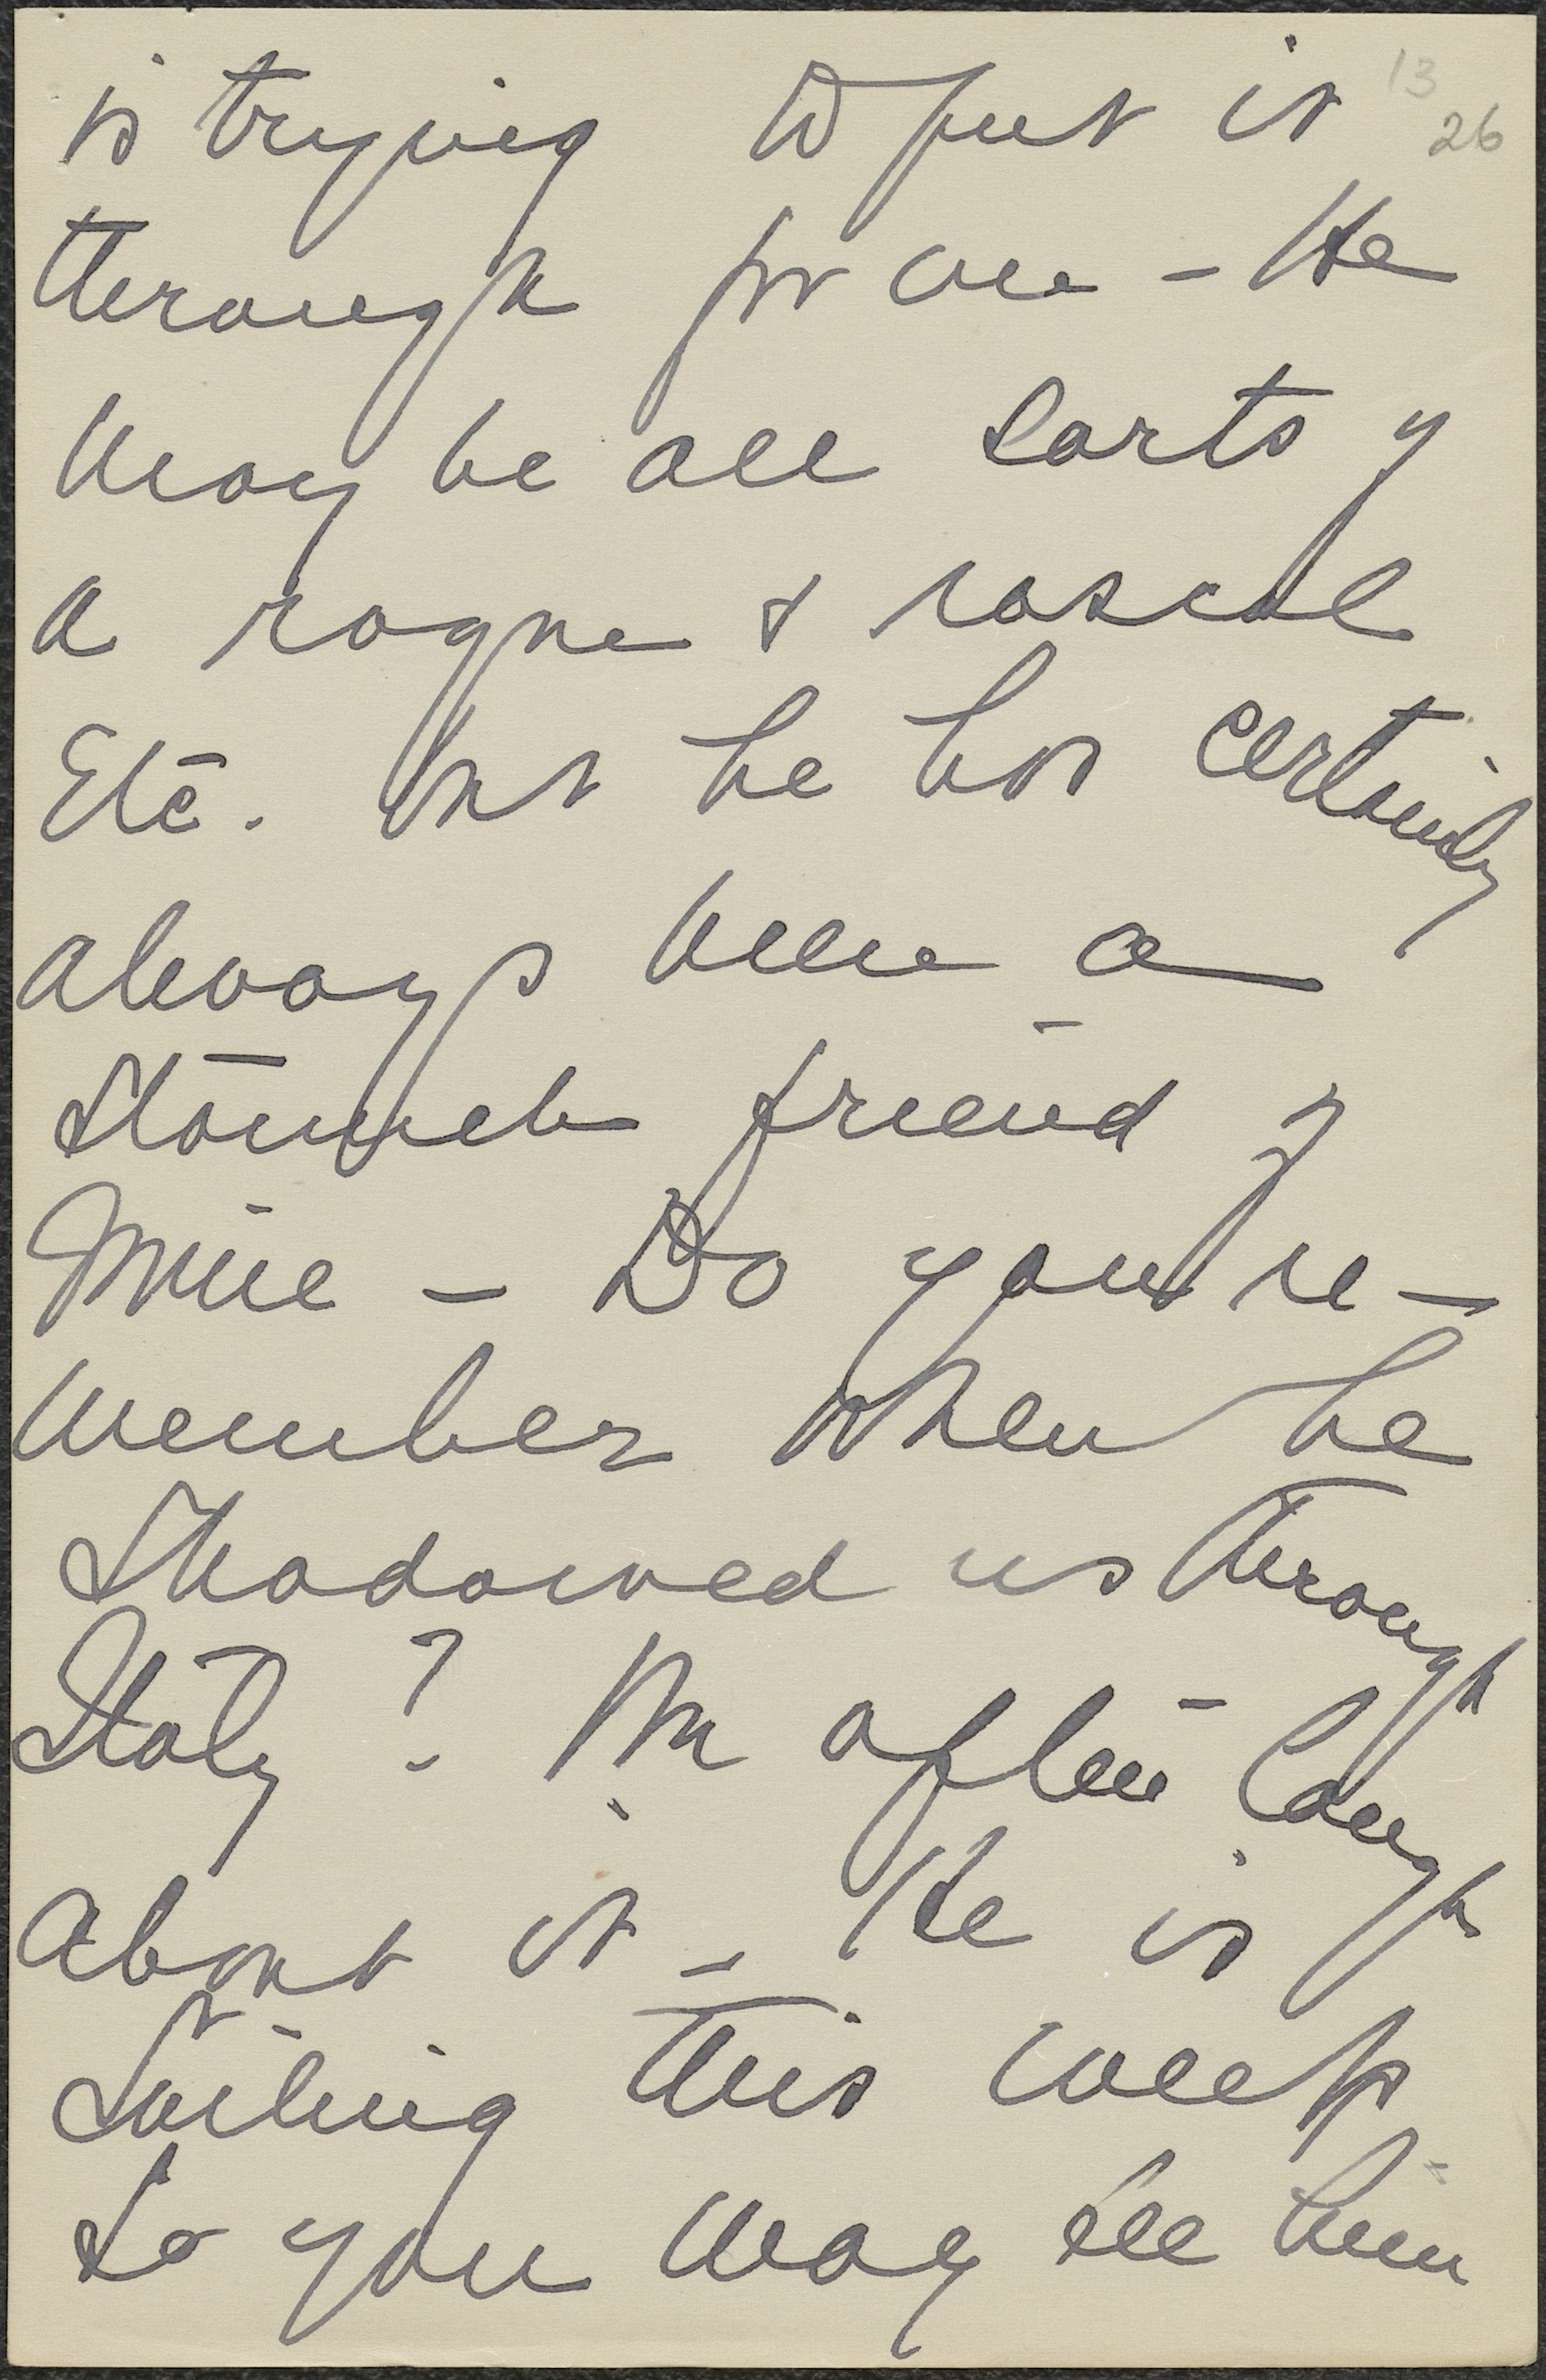is trying to put it through for me – He may be all sorts of a rogue & rascal etc. but he has certainly always been a staunch friend of mine – Do you remember when he shadowed us through Italy? We often laugh about it – He is sailing this week so you may see him